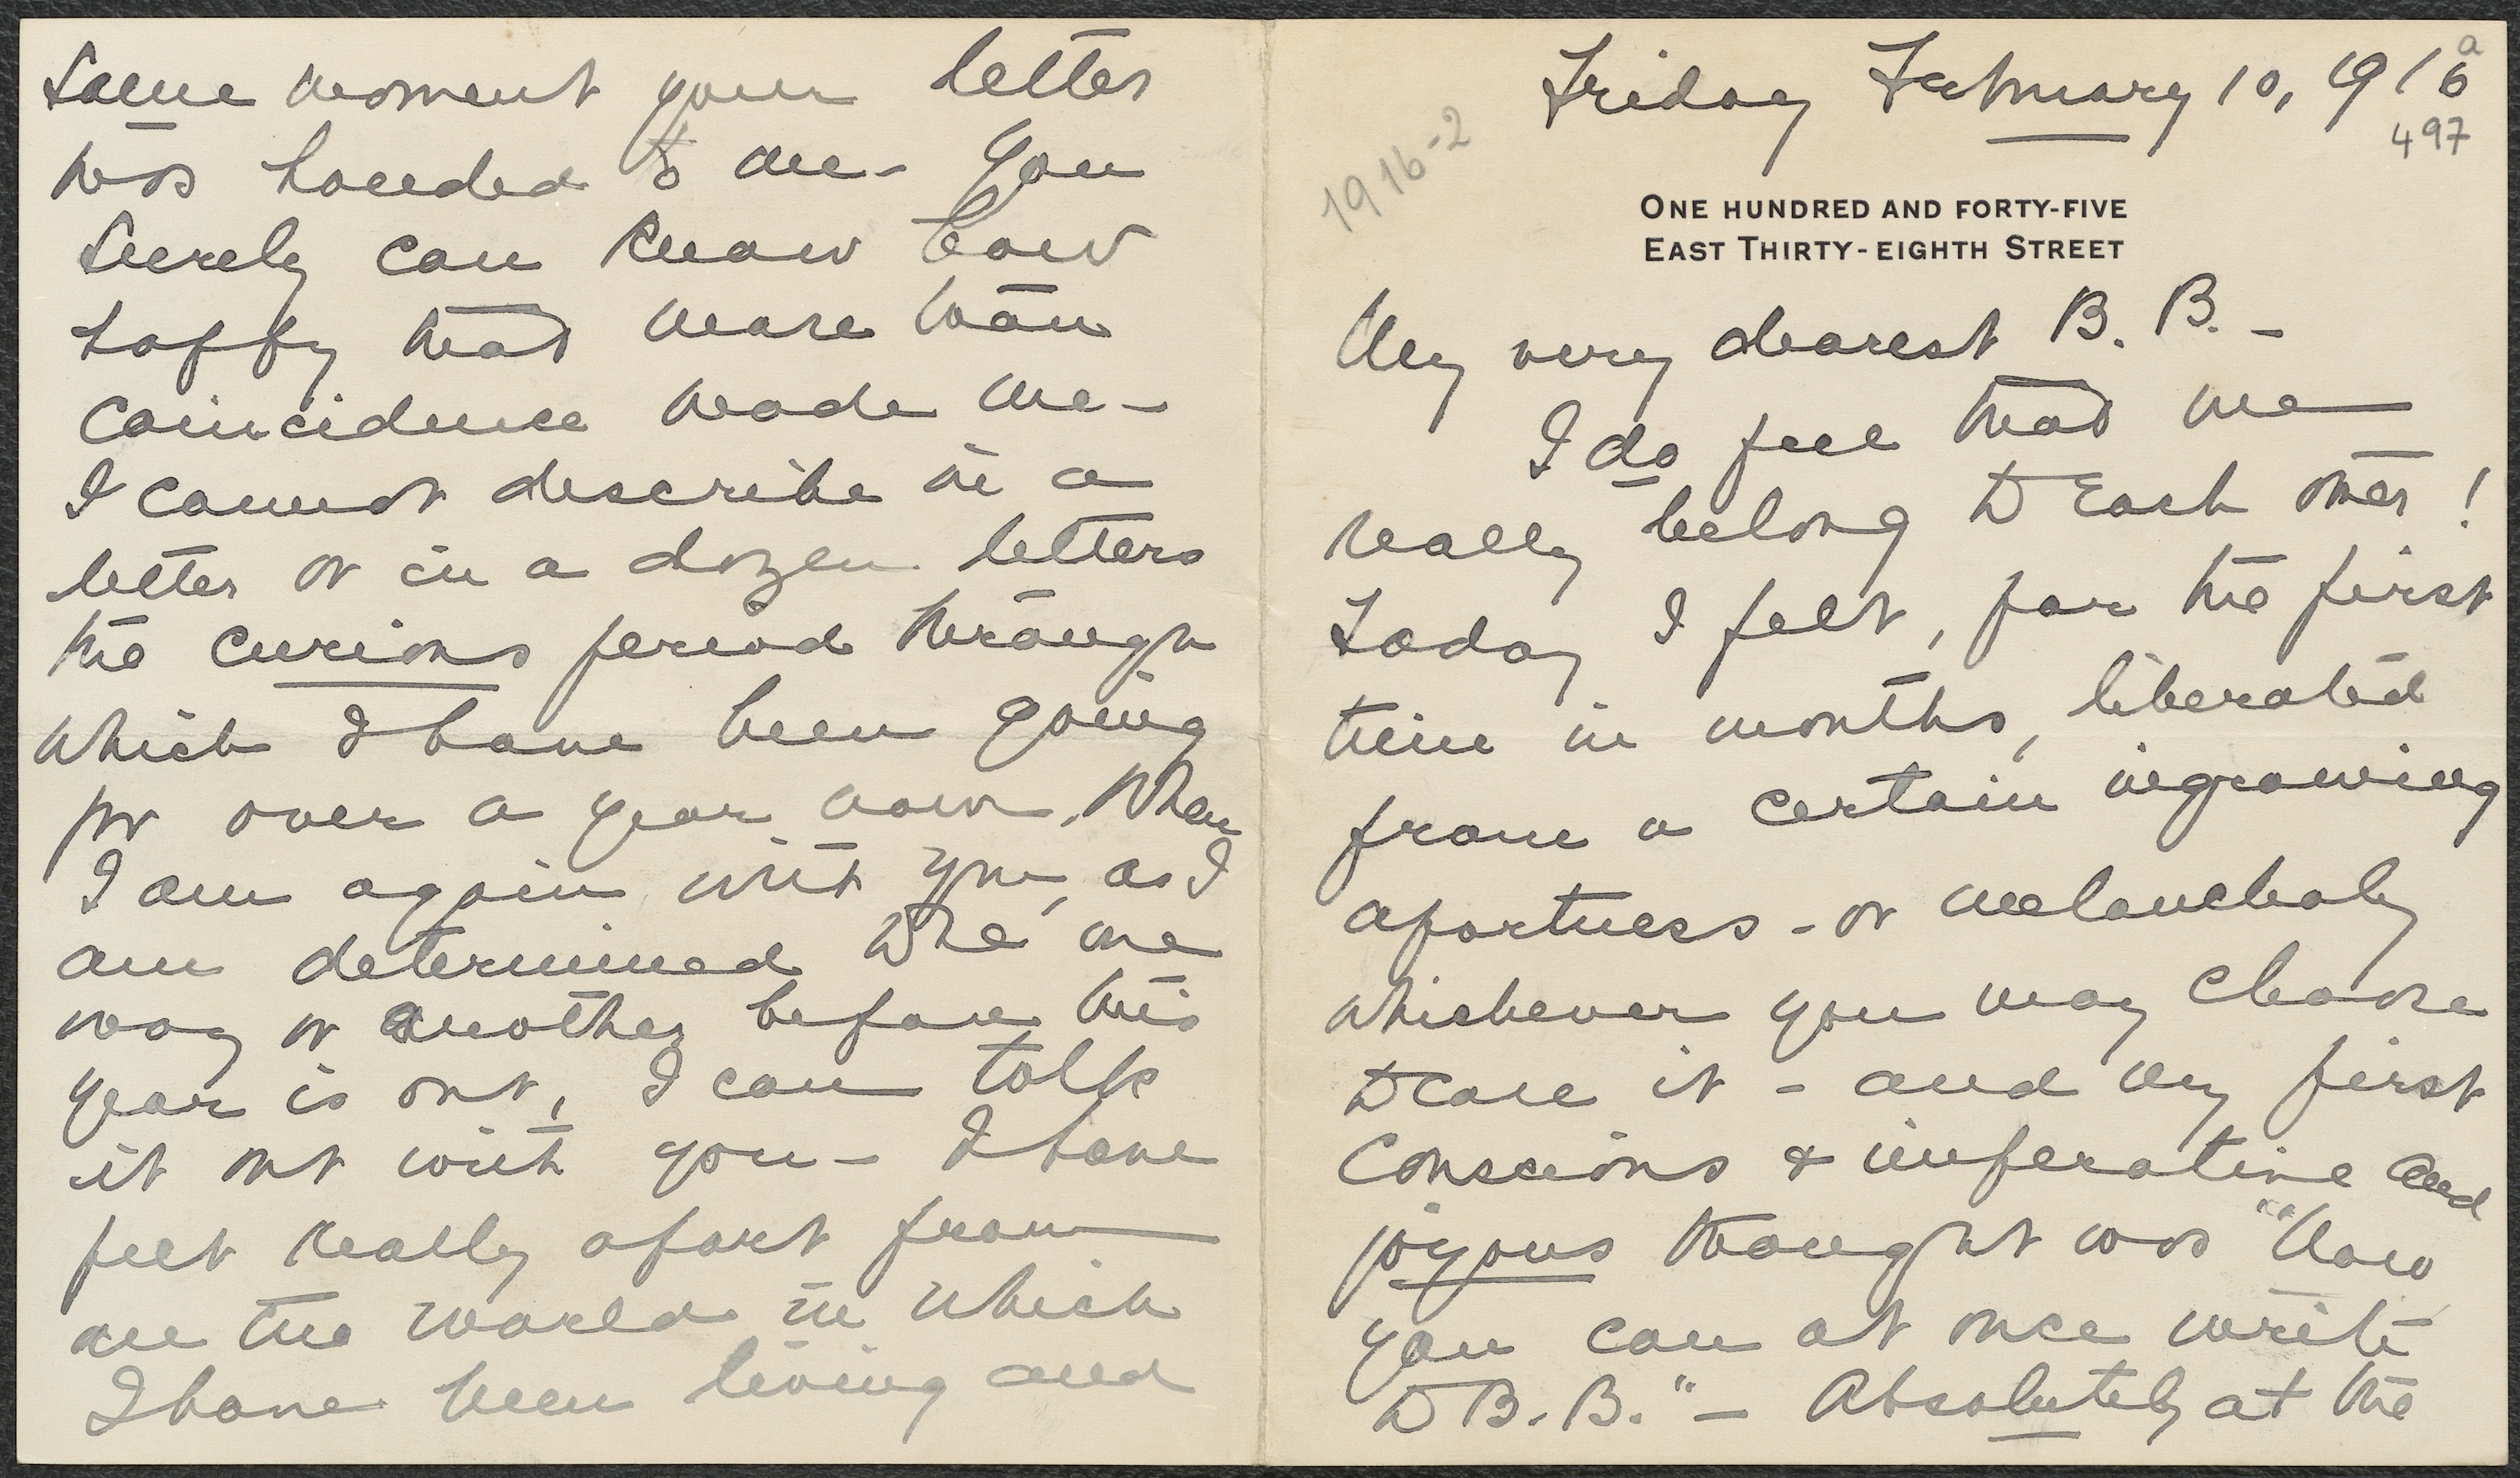Friday February 10, 1916
My very dearest B.B. –
I do feel that we really belong to each other! Today I felt, for the first time in months, liberated from a certain ingrowing apartness – or melancholy whichever you may choose to call it – and my first conscious & imperative and joyous thought was "Now you can at once write to B.B." – Absolutely at the
same moment your letter was handed to me – You surely can know how happy that more than coincidence made me – I cannot describe in a letter or in a dozen letters the curious period through which I have been going for over a year now. When I am again with you, as I am determined to be one way or another before this year is out, I can talk it out with you – I have felt really apart from all the world in which I have been living and